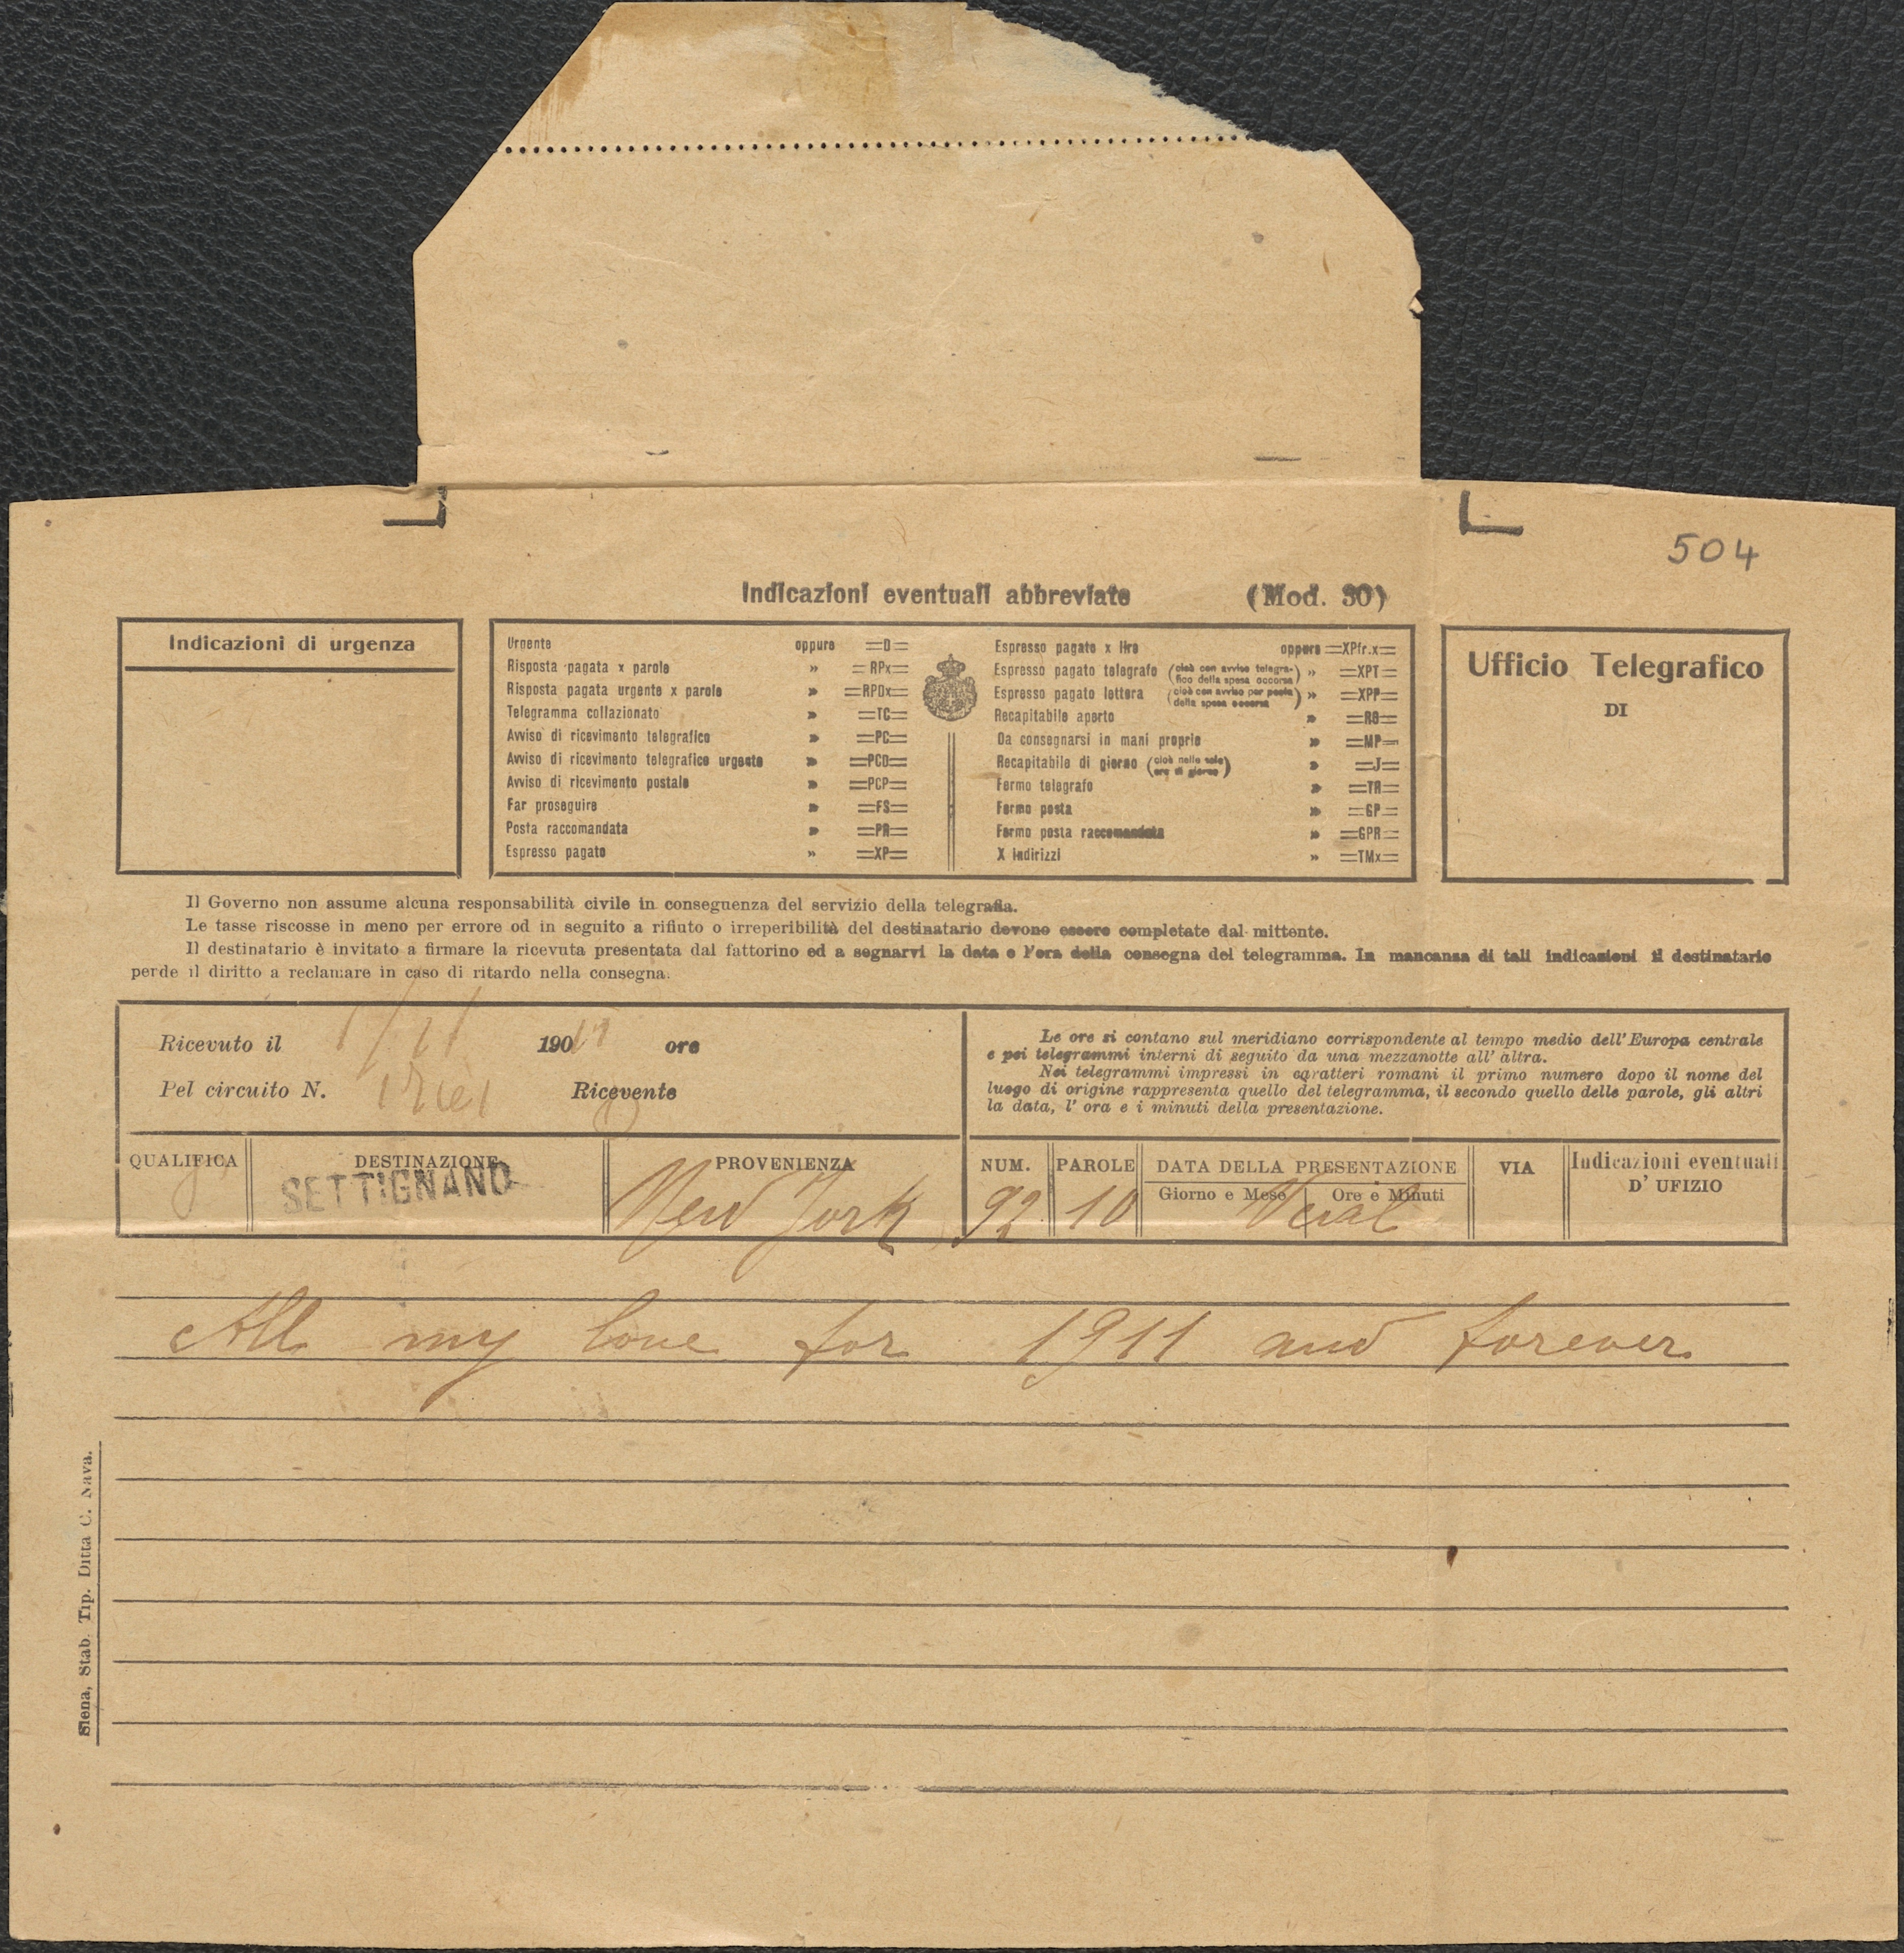All my love for 1911 and forever